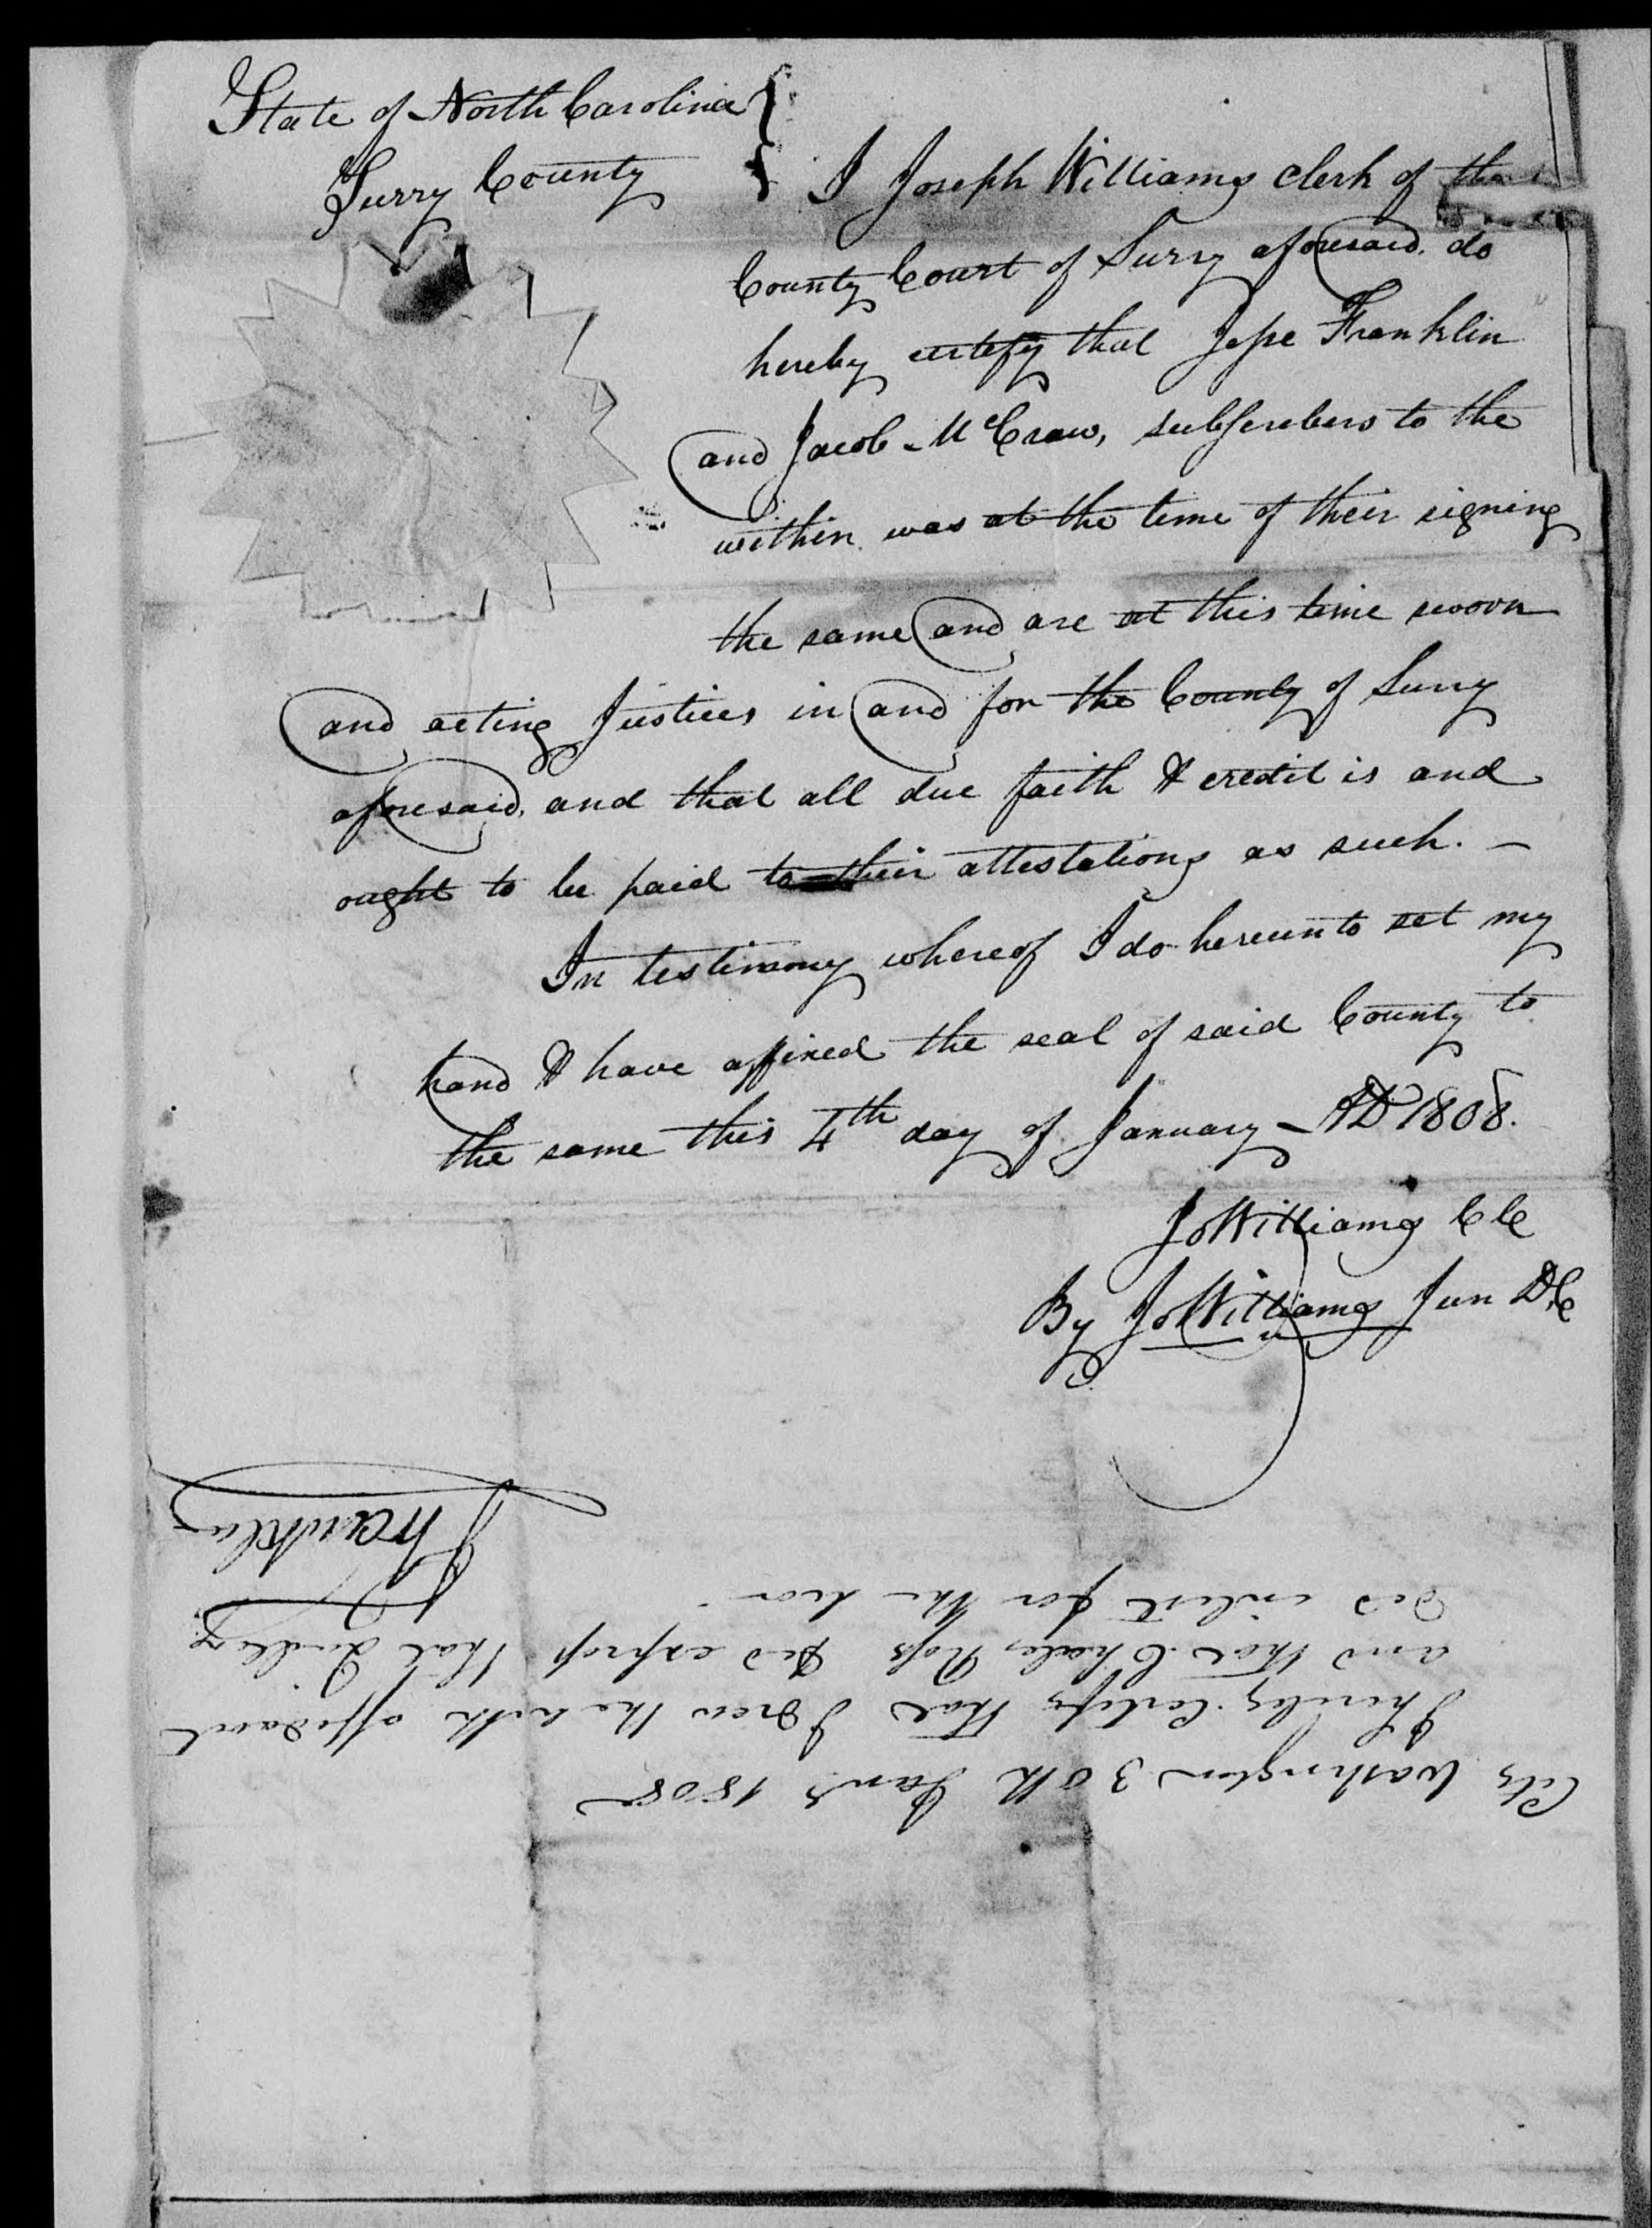State of North Carolina
Surry County
I Joseph Williams clerk of of the County Court of Surry aforesaid do hereby certify that Jesse Franklin and Jacob W Craw, subscribers to the
within was at the time of their signing the same
and are at this time sworn and acting Justices in and for the County of Surry aforesaid, and that all due faith & credit is and ought to be paid to their attestations as such. -
In testimony whereof I do hereunto set my
hand & have affixed the seal of said County to
the same this 4th day of January AD 1808.
Jo Williams Clk
By Jo Williams Jun D.C.

City Washington 30th Jany 1808
I hereby certify that I know the said affiant and that Charles Ross did express that Quillin did enlist for the war
J Franklin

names: Jacob W Craw; Joseph Williams; Jasse Franklin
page: 7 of 12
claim: bounty land warrant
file: B. L. Wt. 392-100, for Robert Quillin, Virginia